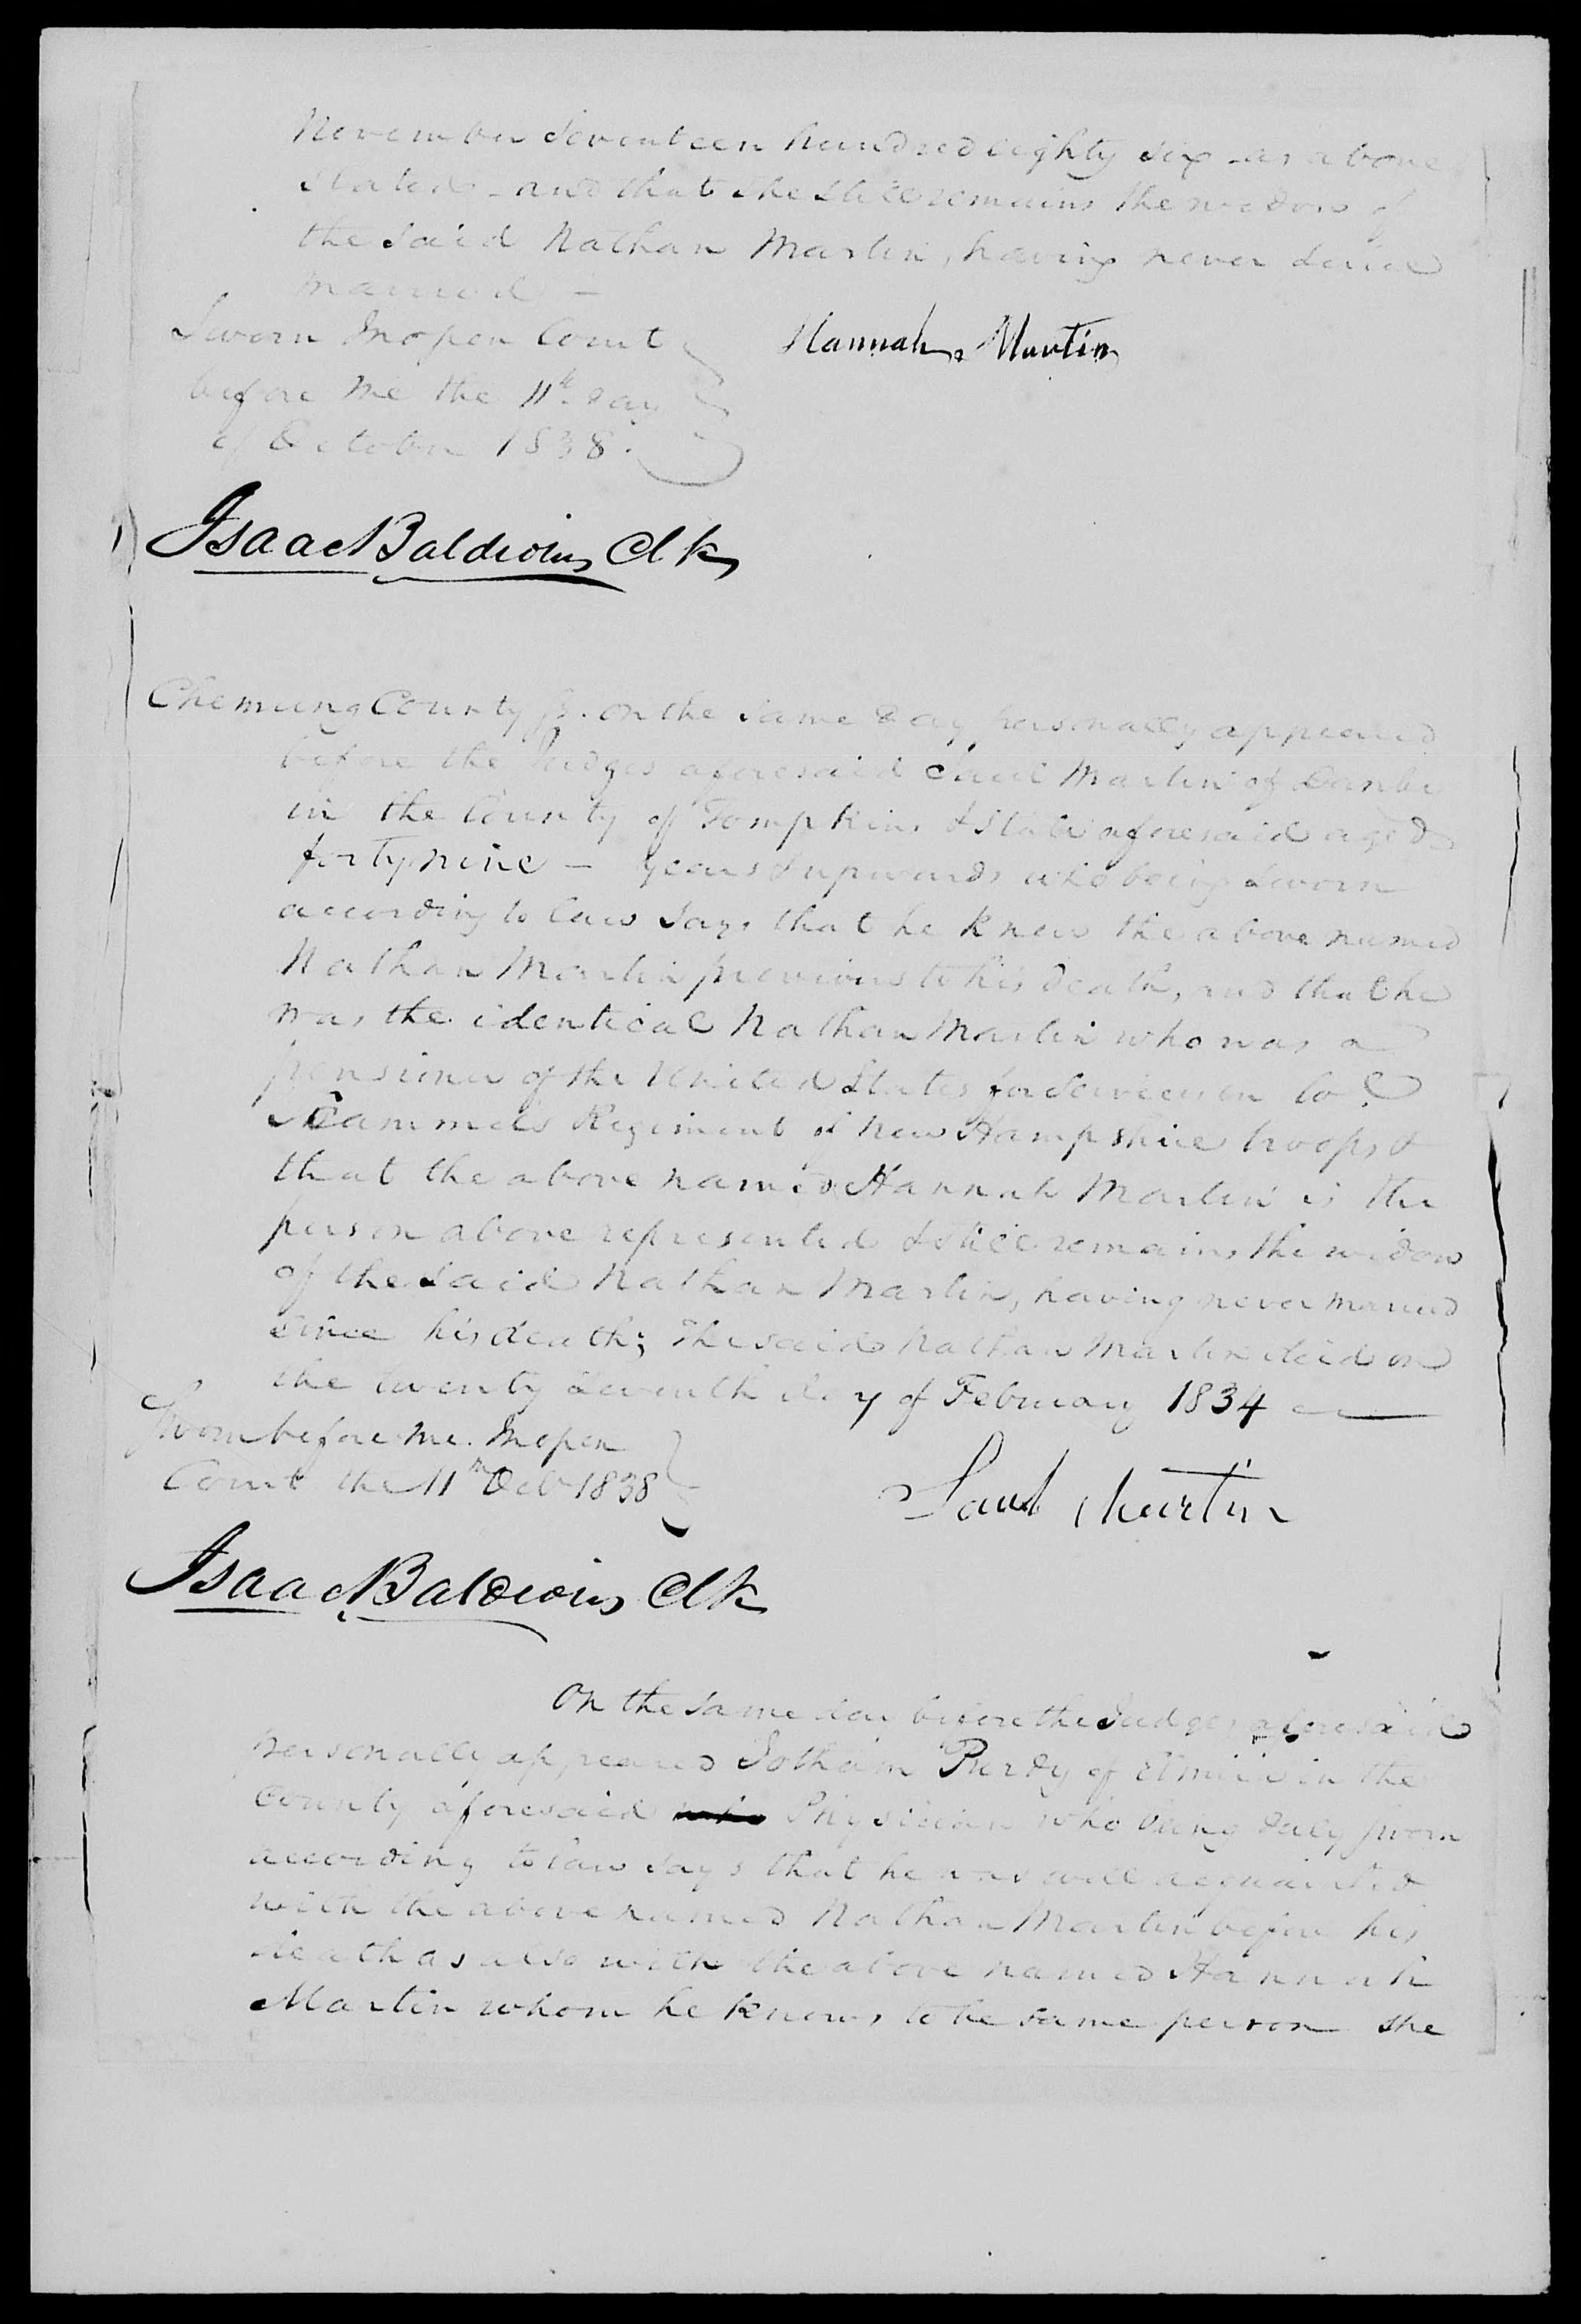November seventeen hundred eight six as above stated and that she still remains the widow of the said Nathan Martin having never since married -
[signature] Hannah Martin
Sworn in open court before me the 11th day of October 1838
[signature] Isaac Baldwin Clk

Chemung County ss on the same day personally appeared before the Judges aforesaid Saul Martin of Dunbe [Danby] in the County of Tompkins. & state aforesaid aged forty nine - years & upward, who being sworn according to law says that he knew the above named Nathan Martin previous to his  [illegible] , and that he was the identical Nathan Martin  who was a pensioner of the United States for service in col Scammel Regiment of New Hampshire troops & that the above named Hannah Martin is the person above represented to she remains the widow of the said Nathan Martin having never married since his death; The said Nathan Martin died on the twenty seventh day of February 1834
Sworn before me in open court the 11th Oct 1838
[signature] Isaac Baldwin Clk
[signature] Saul Martin

On the same day before the Judges aforesaid personally appeared Jothan Purdy of Elmira in the County aforesaid Physician who being duly sworn according to law says that he was well acquainted with the above named Nathan Martin before his death as also with the above named Hannah Martin whom he knows to be same person she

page: 12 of 30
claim: widow's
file: W. 23,904, for Nathan Martin, New Hampshire